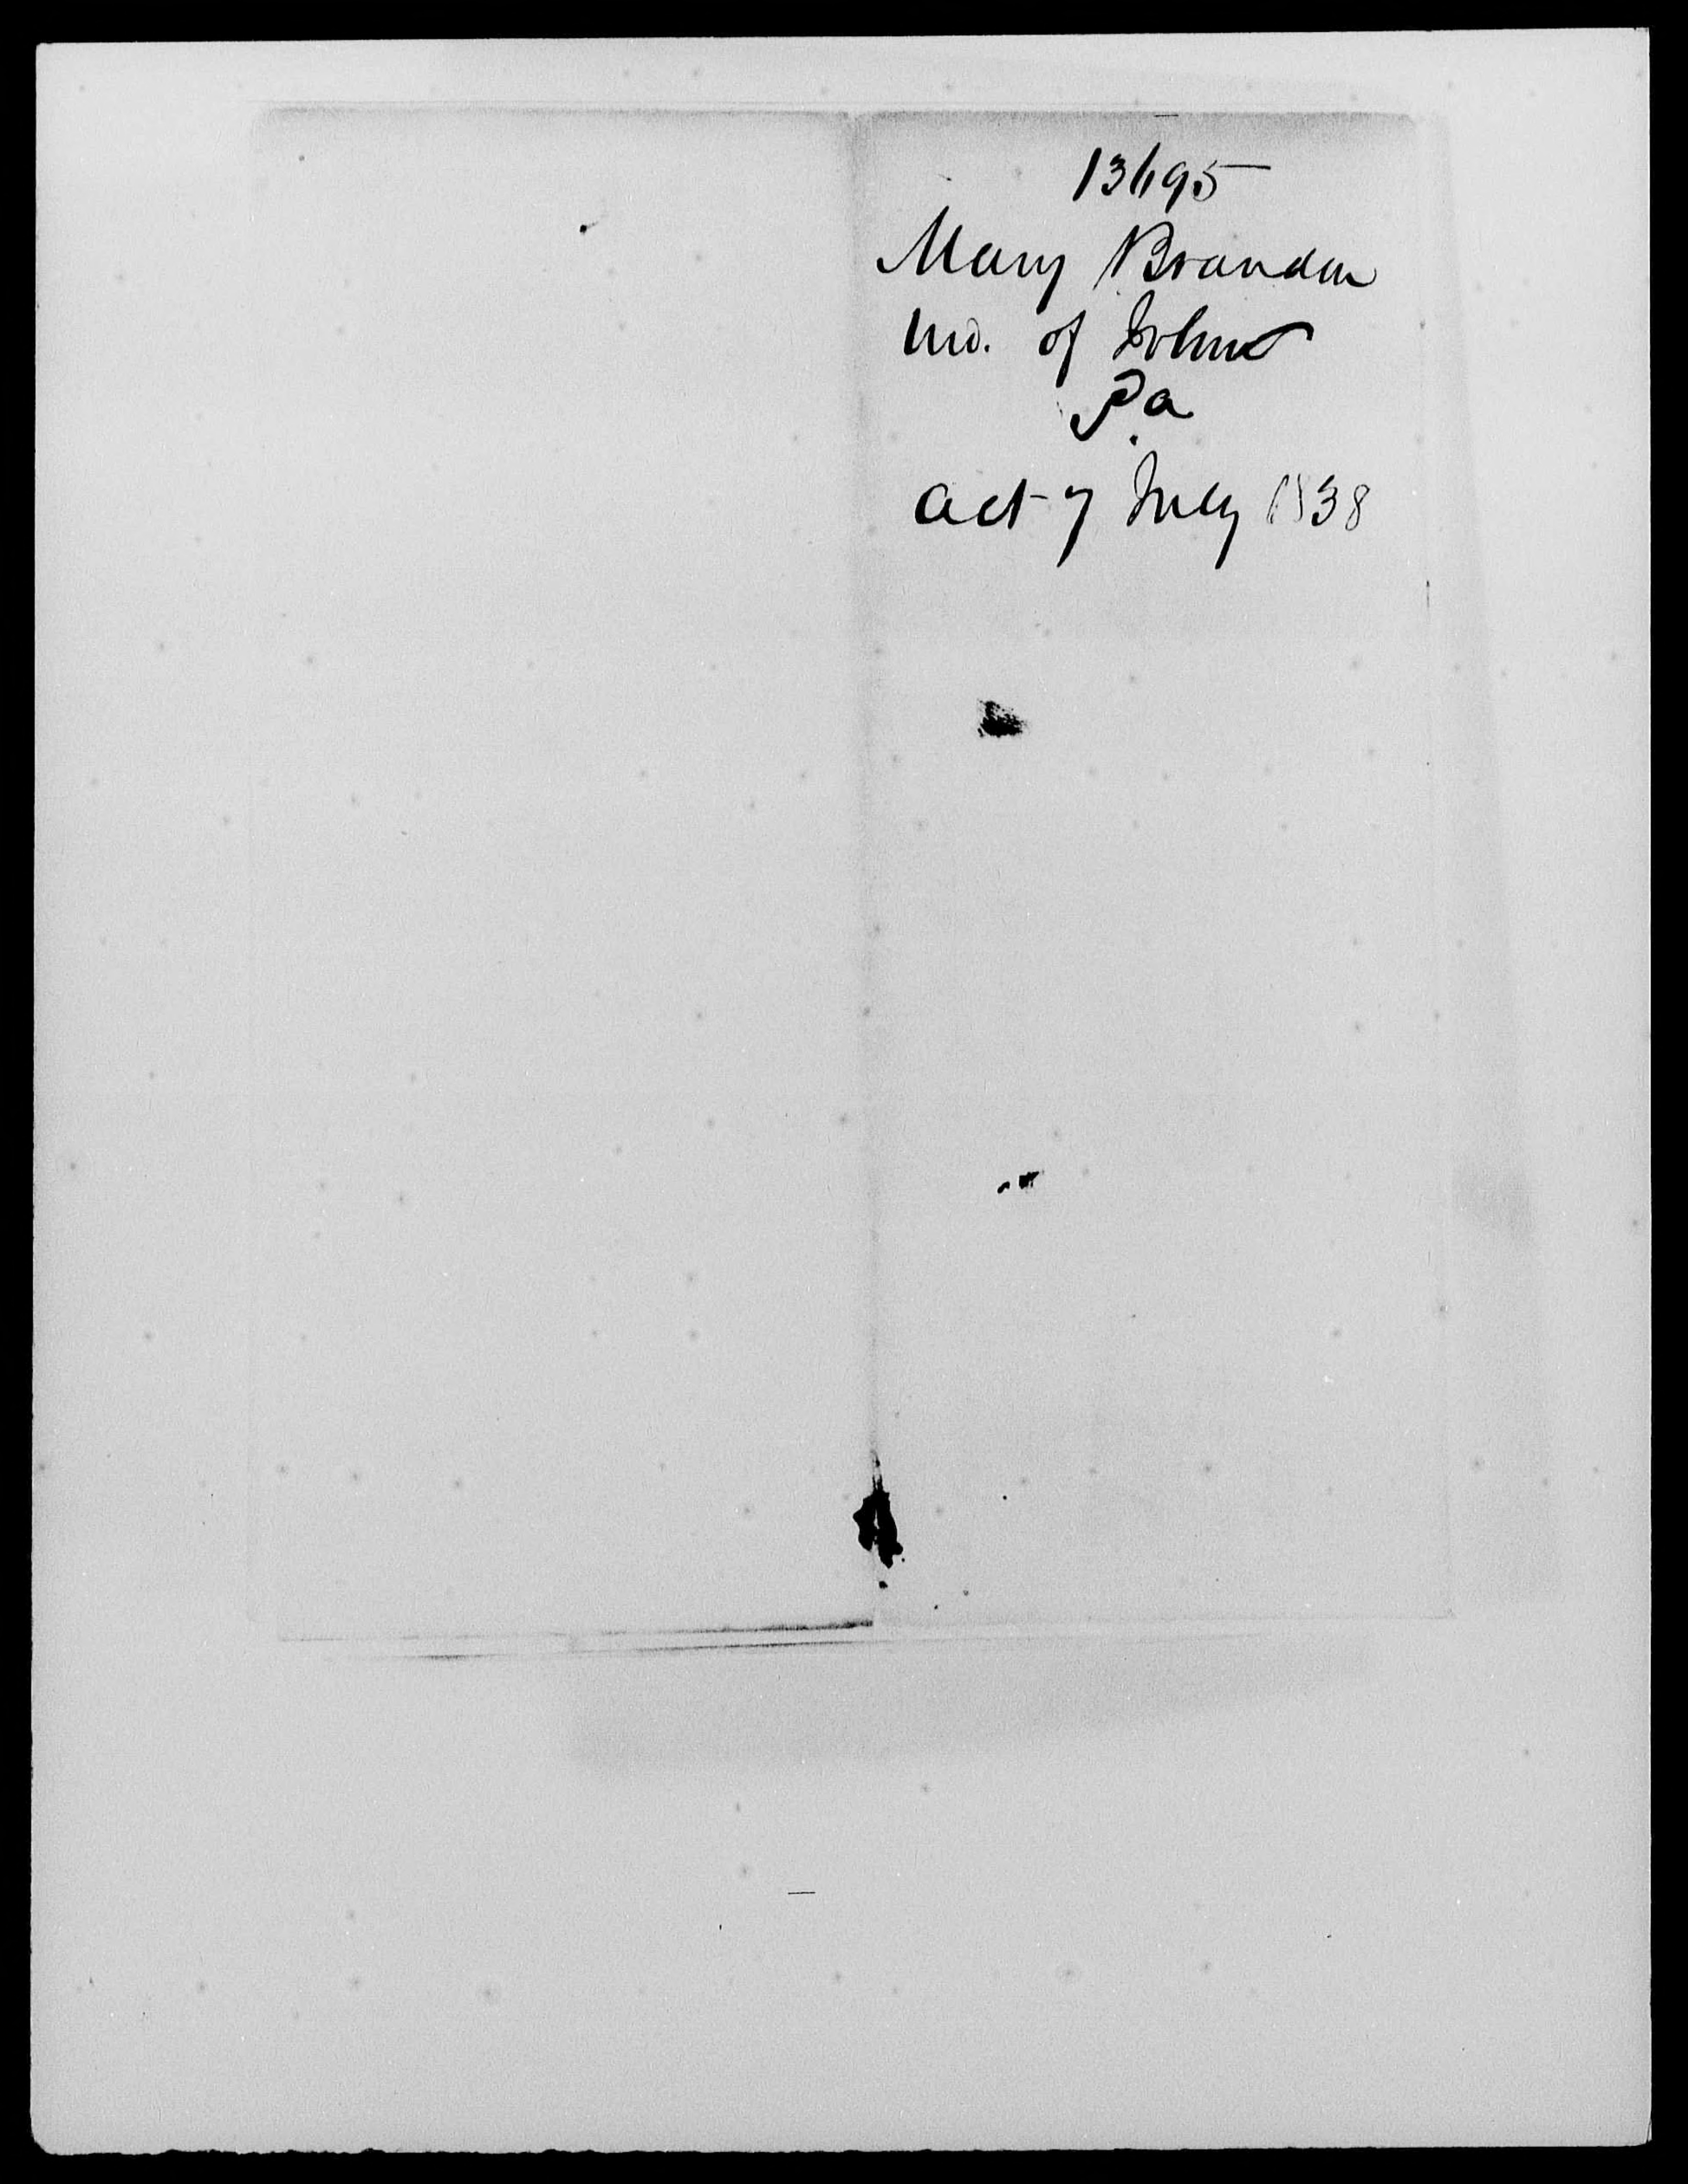13695
Mary Brandon
wid. of John
Pa
act 7 July 1838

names: John, Mary Brandon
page: 53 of 83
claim: widow's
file: W. 5946, John Brandon, Penn